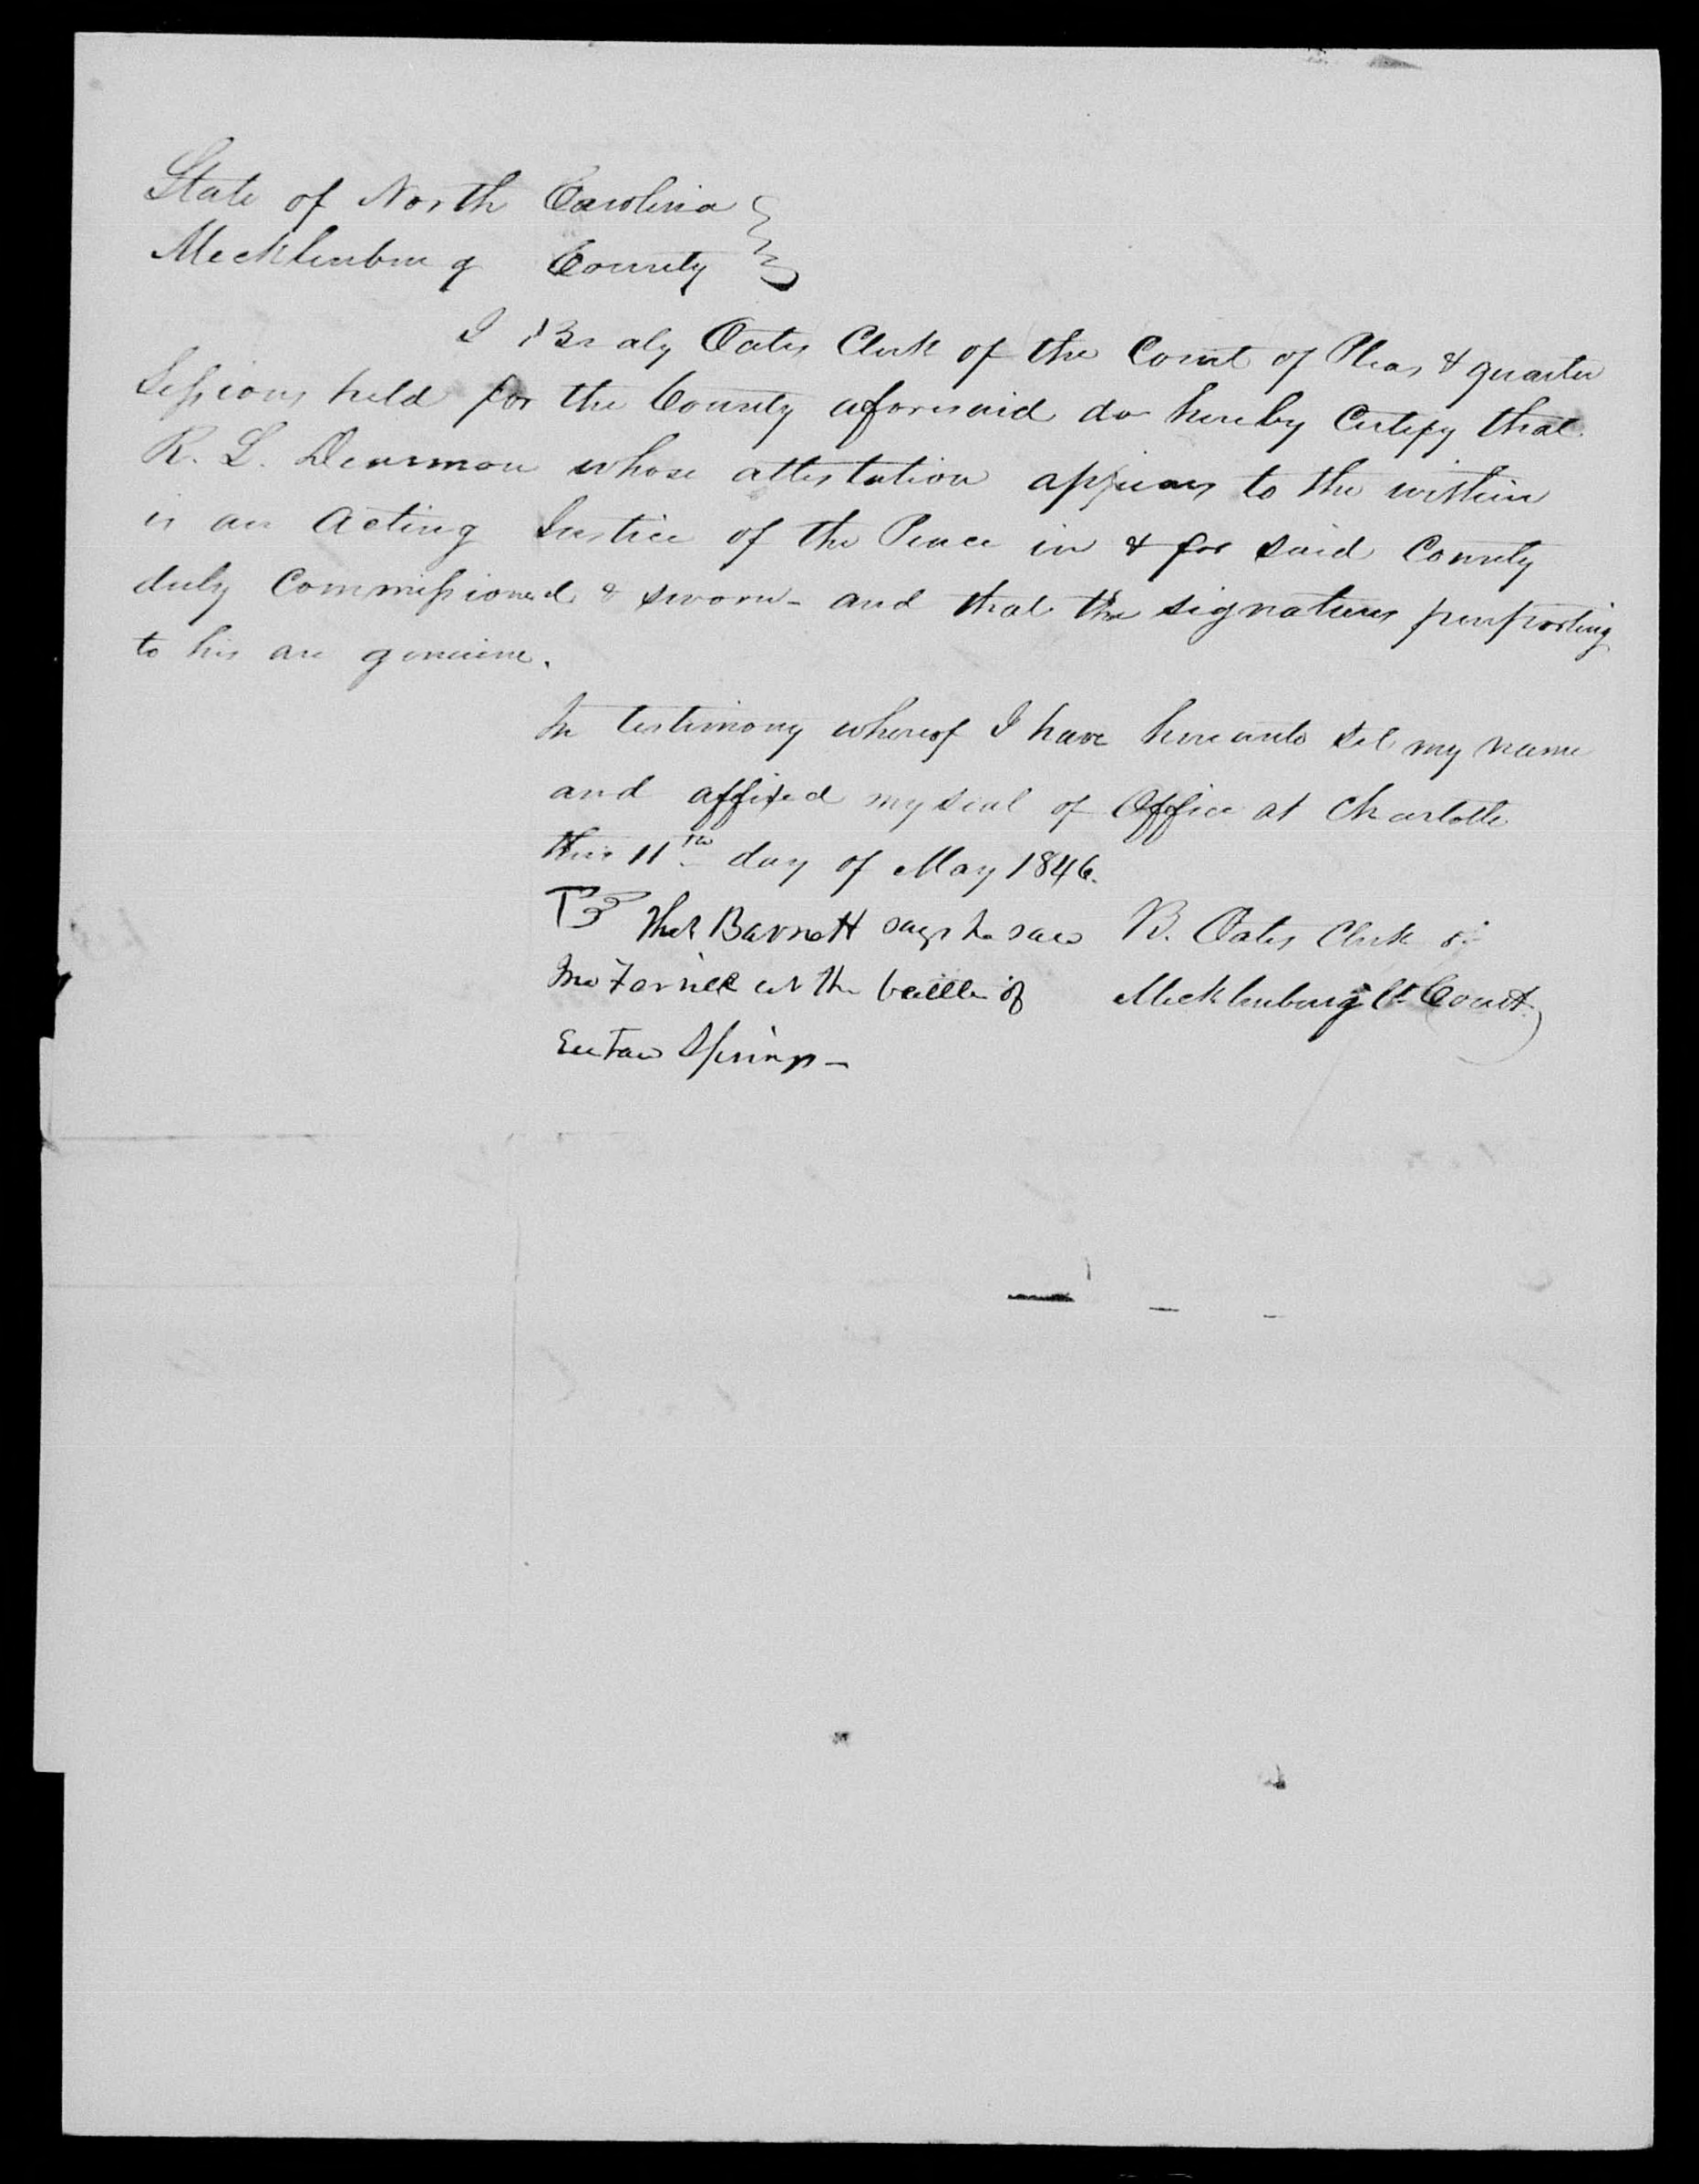State of North Carolina
Meckenburg County
I Brady Oates Clerk of the Court of Please and quarter Sessions held for the County aforesaid do hereby certify that R. L. Dearmon whose attestation appears to the within is acting Justice of the Peace in aforesaid County duly commissioned & sworn and that the signatures preporting to his are genuine.
In testimony where I have hereunto set any name and affixed my seal of Office of Charlotte here 11th day of May 1846.
T Wm Barnett says he saw Mr. Ferrell in the battle of Eutaw Springs.
B. Oates Clerk of Meckenburg County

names: Braly Oates, Thos Barnett, B Oates, R L Dearmon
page: 50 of 52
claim: rejected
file: R. 3,512, John Ferrell, N.C.